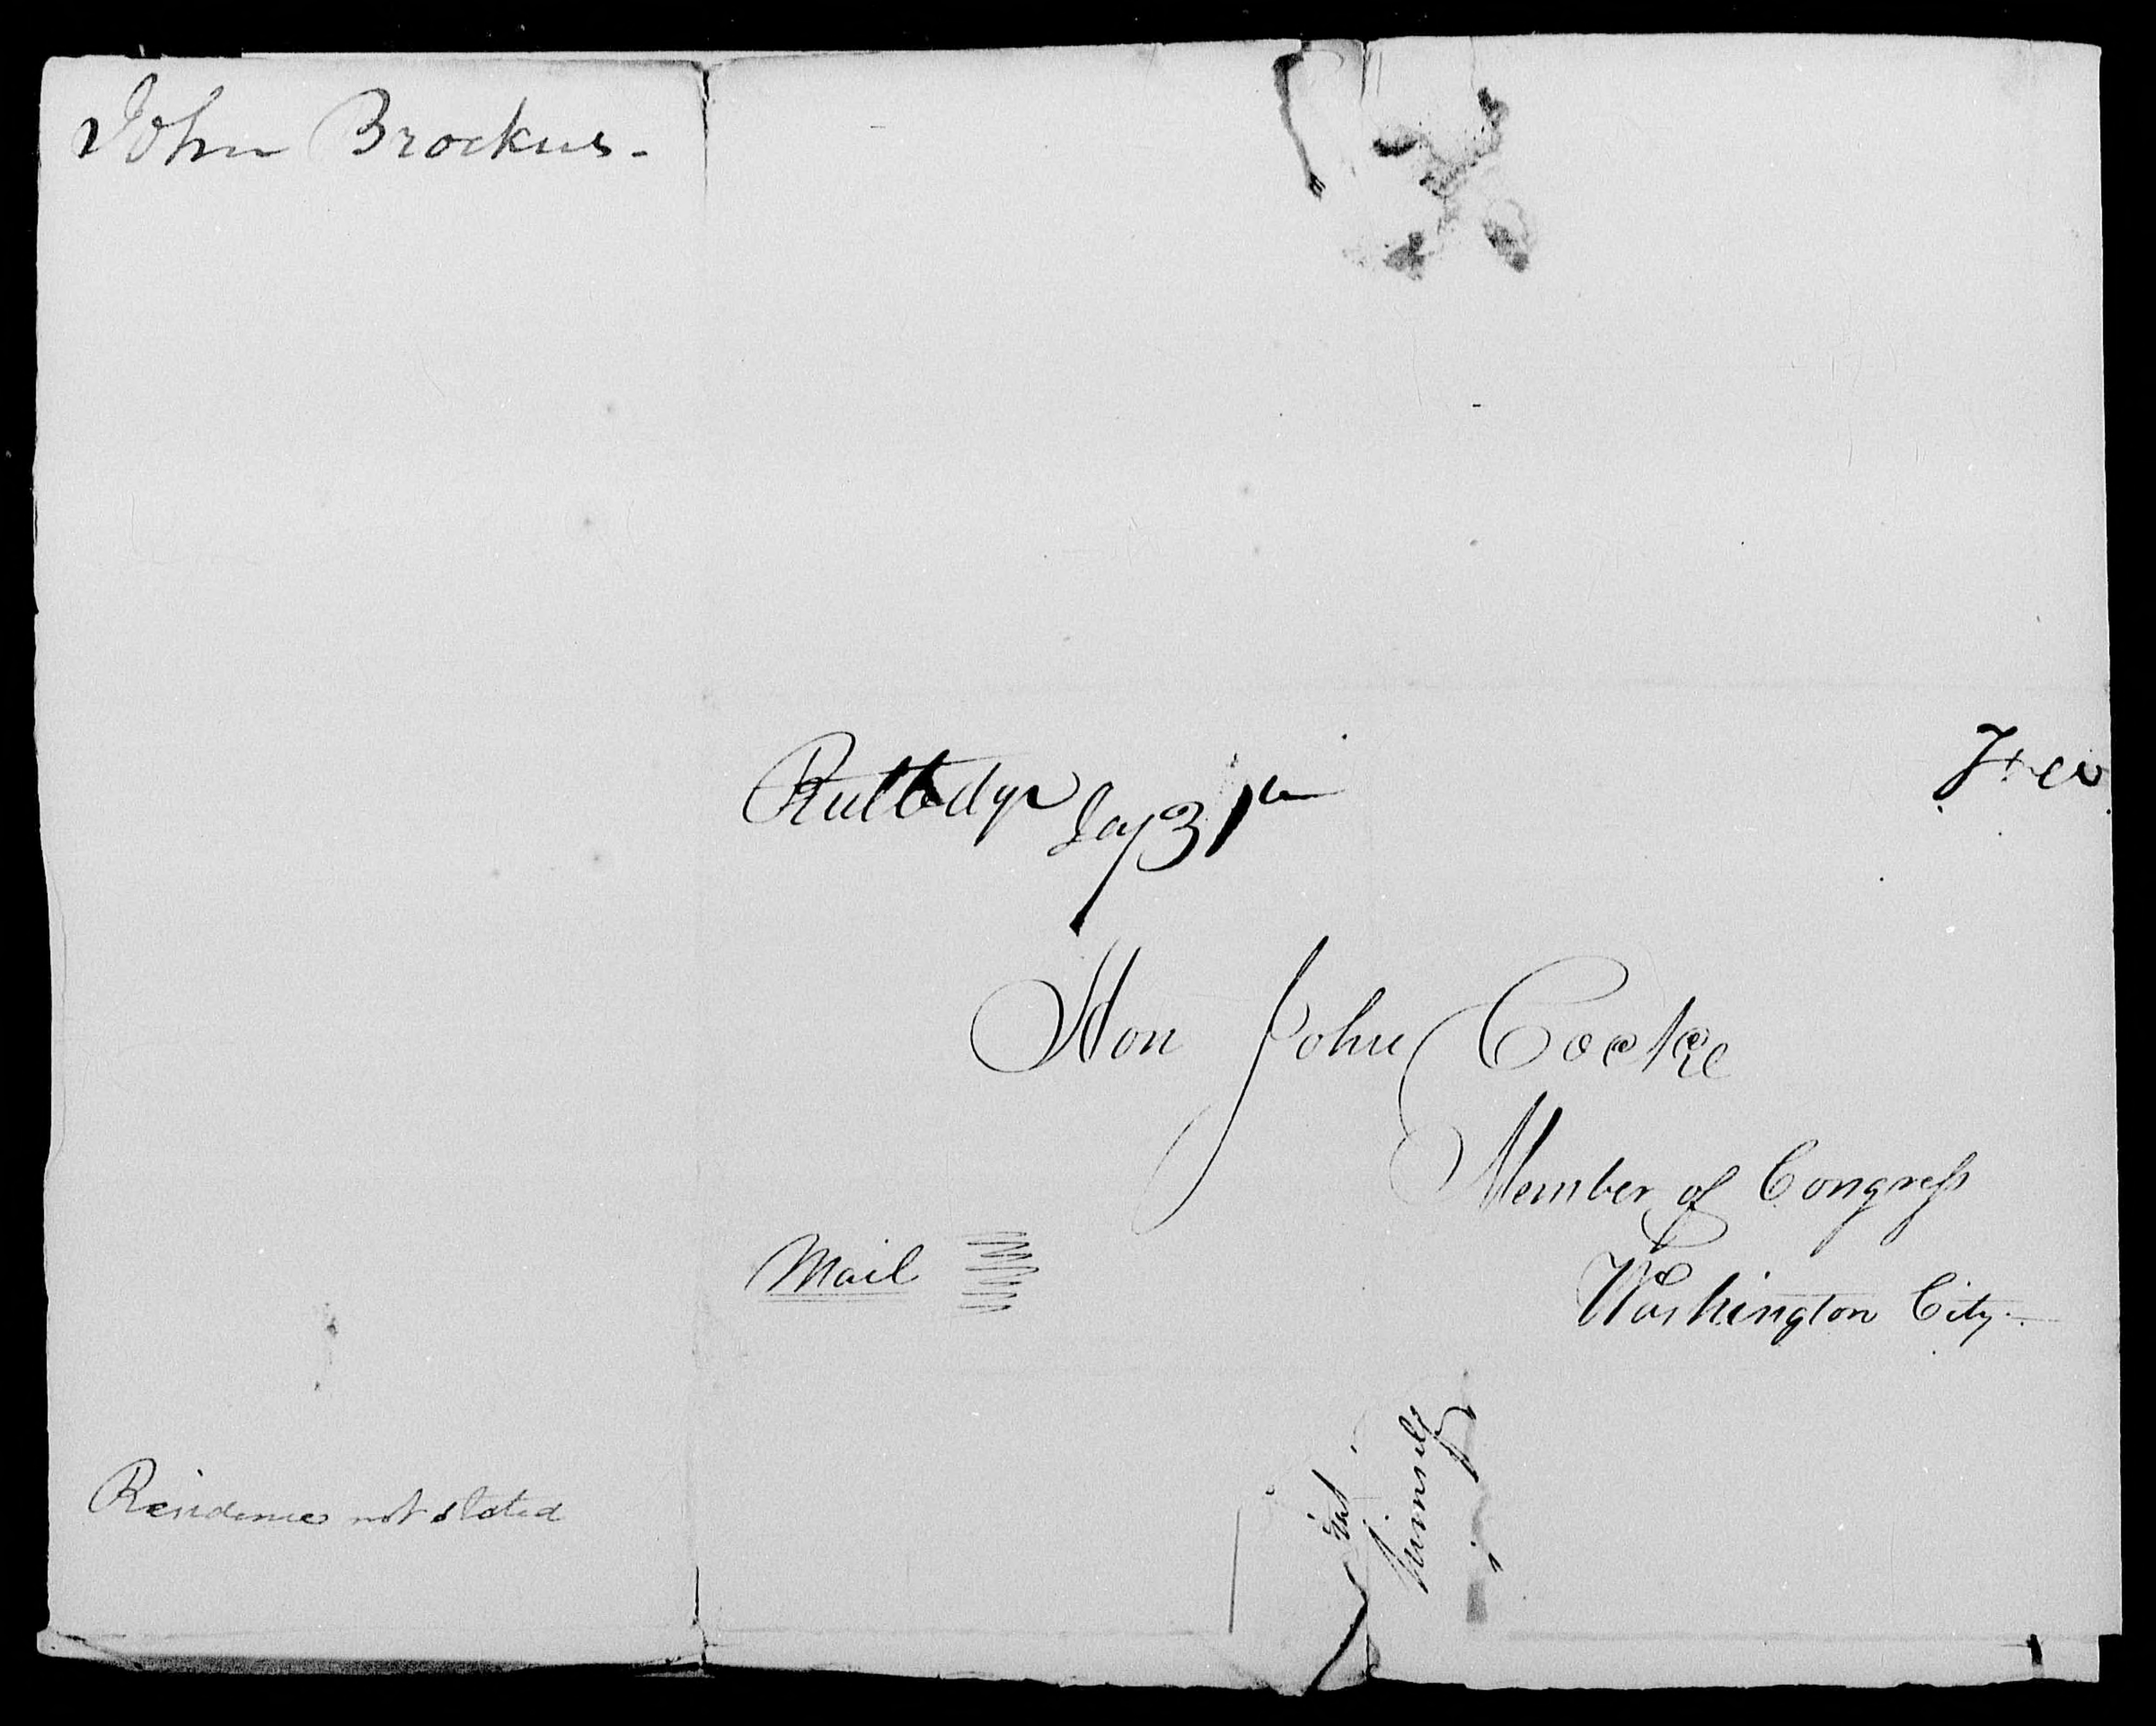John Brockus 
[illegible]
Hon John Cooke 
Member of Congress
Washington City 
Mail
Residence not stated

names: John Brockus, John Cocke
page: 7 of 19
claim: survivor's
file: S. 39,224, John Brockus, Va.